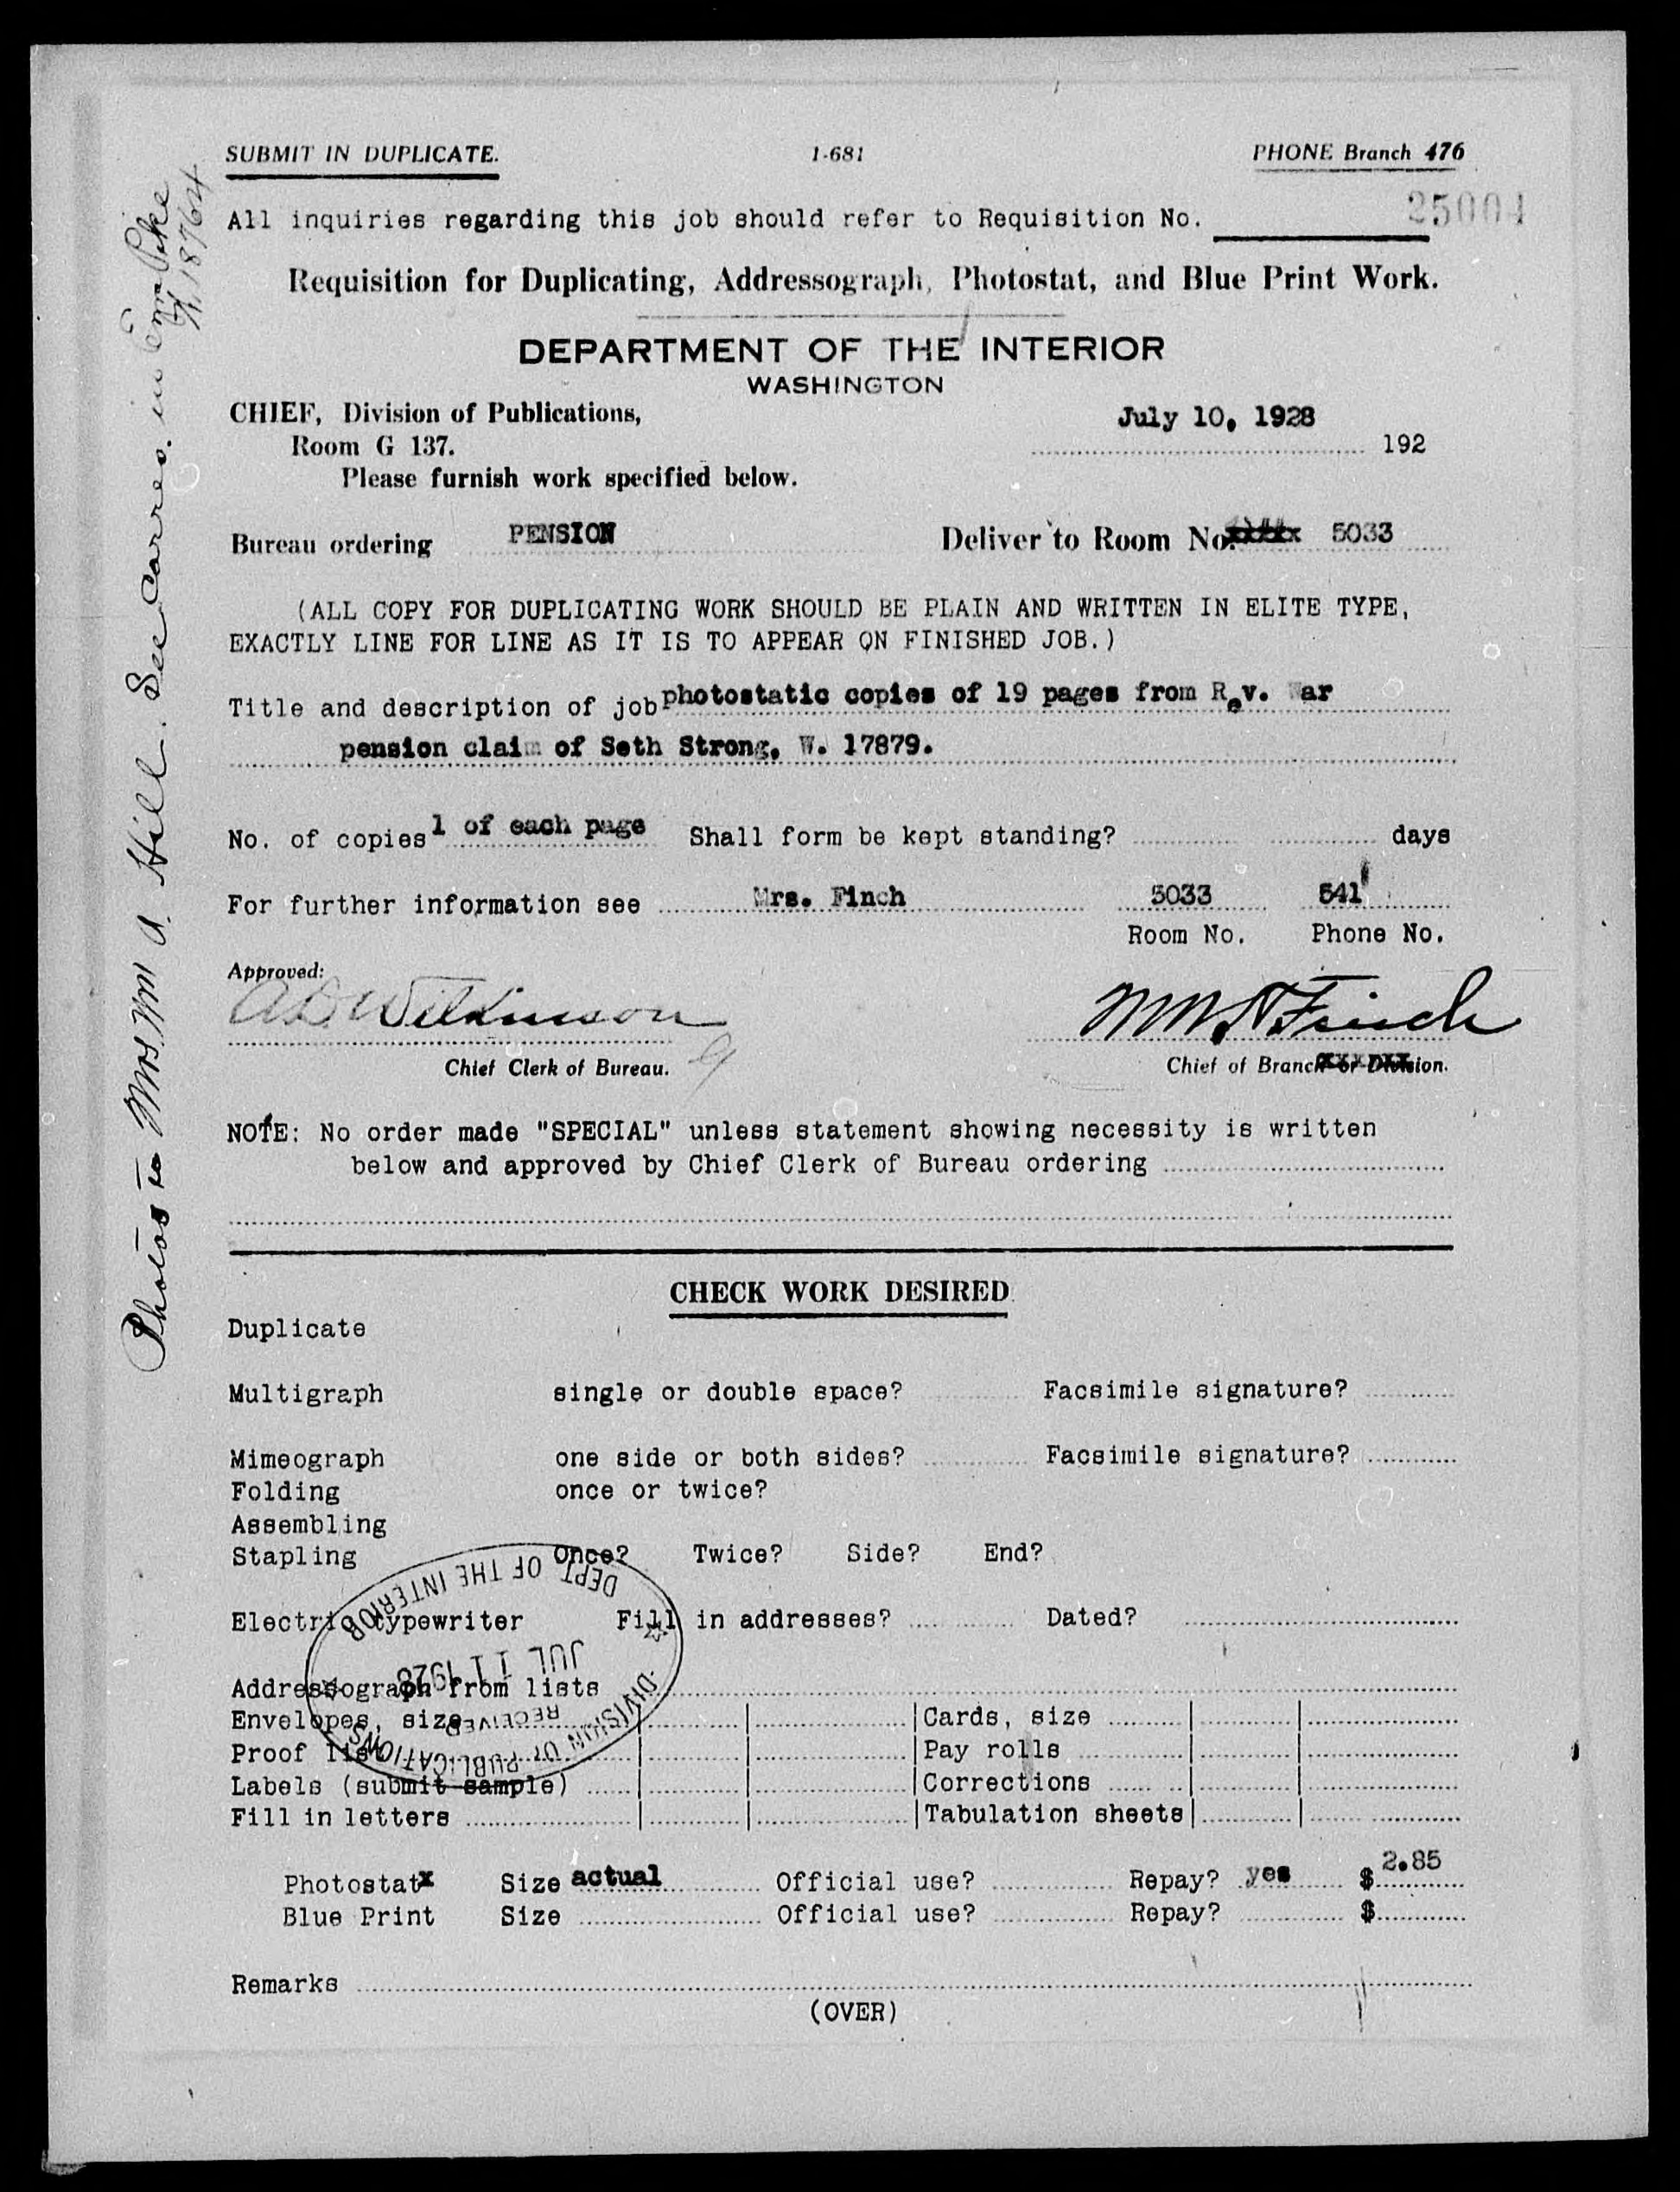SUBMIT IN DUPLICATE     1-681      PHONE Branch 476
All inquiries regarding this job should refer to Requisition No. 25004

Requisition for Duplicating, Addressograph, Photostat, and Blue Print Work.

DEPARTMENT OF THE INTERIOR
WASHINGTON

CHIEF, Division of Publications,
Room G 137.
July 10, 1928
Please furnish work specified below.
Bureau ordering PENSION  Deliver to Room No. 5033
(ALL COPY FOR DUPLICATING WORK SHOULD BE PLAIN AND WRITTEN IN ELITE TYPE, EXACTLY LINE FOR LINE AS IT IS TO APPEAR ON FINISHED JOB.)

Title and description of job  photostatic copies of 19 pages from Rev. War pension claim of Seth Strong, W. 17879.
No. of copies 1 of each page Shall form be kept standing? ___ days
For further information see Mrs. Finch Room No. 5033 Phone No. 541

[Illegible initials] Finch
Chief of Branch

Approved:
AD. Wilkinson
Chief Clerk of Bureau.

NOTE: No order made "SPECIAL" unless statement showing necessity is written below and approved by Chief Clerk of Bureau ordering

CHECK WORK DESIRED
Duplicate
Multigraph  single or double space? Facsimile signature?

Mimeograph  one side or both sides? Facsimile signature?

Folding  once or twice?
Assembling
Stapling  Once? Twice? Side? End?

Electric typewriter  Fill in addresses? Dated?

Addressograph from lists
Envelopes, size
Proof list
Labels (submit sample)
Fill in letters
Cards, size
Pay rolls
Corrections
Tabulation sheets

[Oval stamp reads:]
DIVISION OF PUBLICATIONS
JUL 11 1928
DEPT OF THE INTERIOR

Photostat x  Size actual  Official use? Repay? yes  $2.85
Blue Print  Size Official use? Repay? $

Remarks (OVER)

[Written vertically up left margin:]
Photos to Mrs Wm A. Hill. See corres. in Ezra Pike [Illegible letter].18764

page: 27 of 47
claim: widow's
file: W. 17879, for Seth Strong, Connecticut